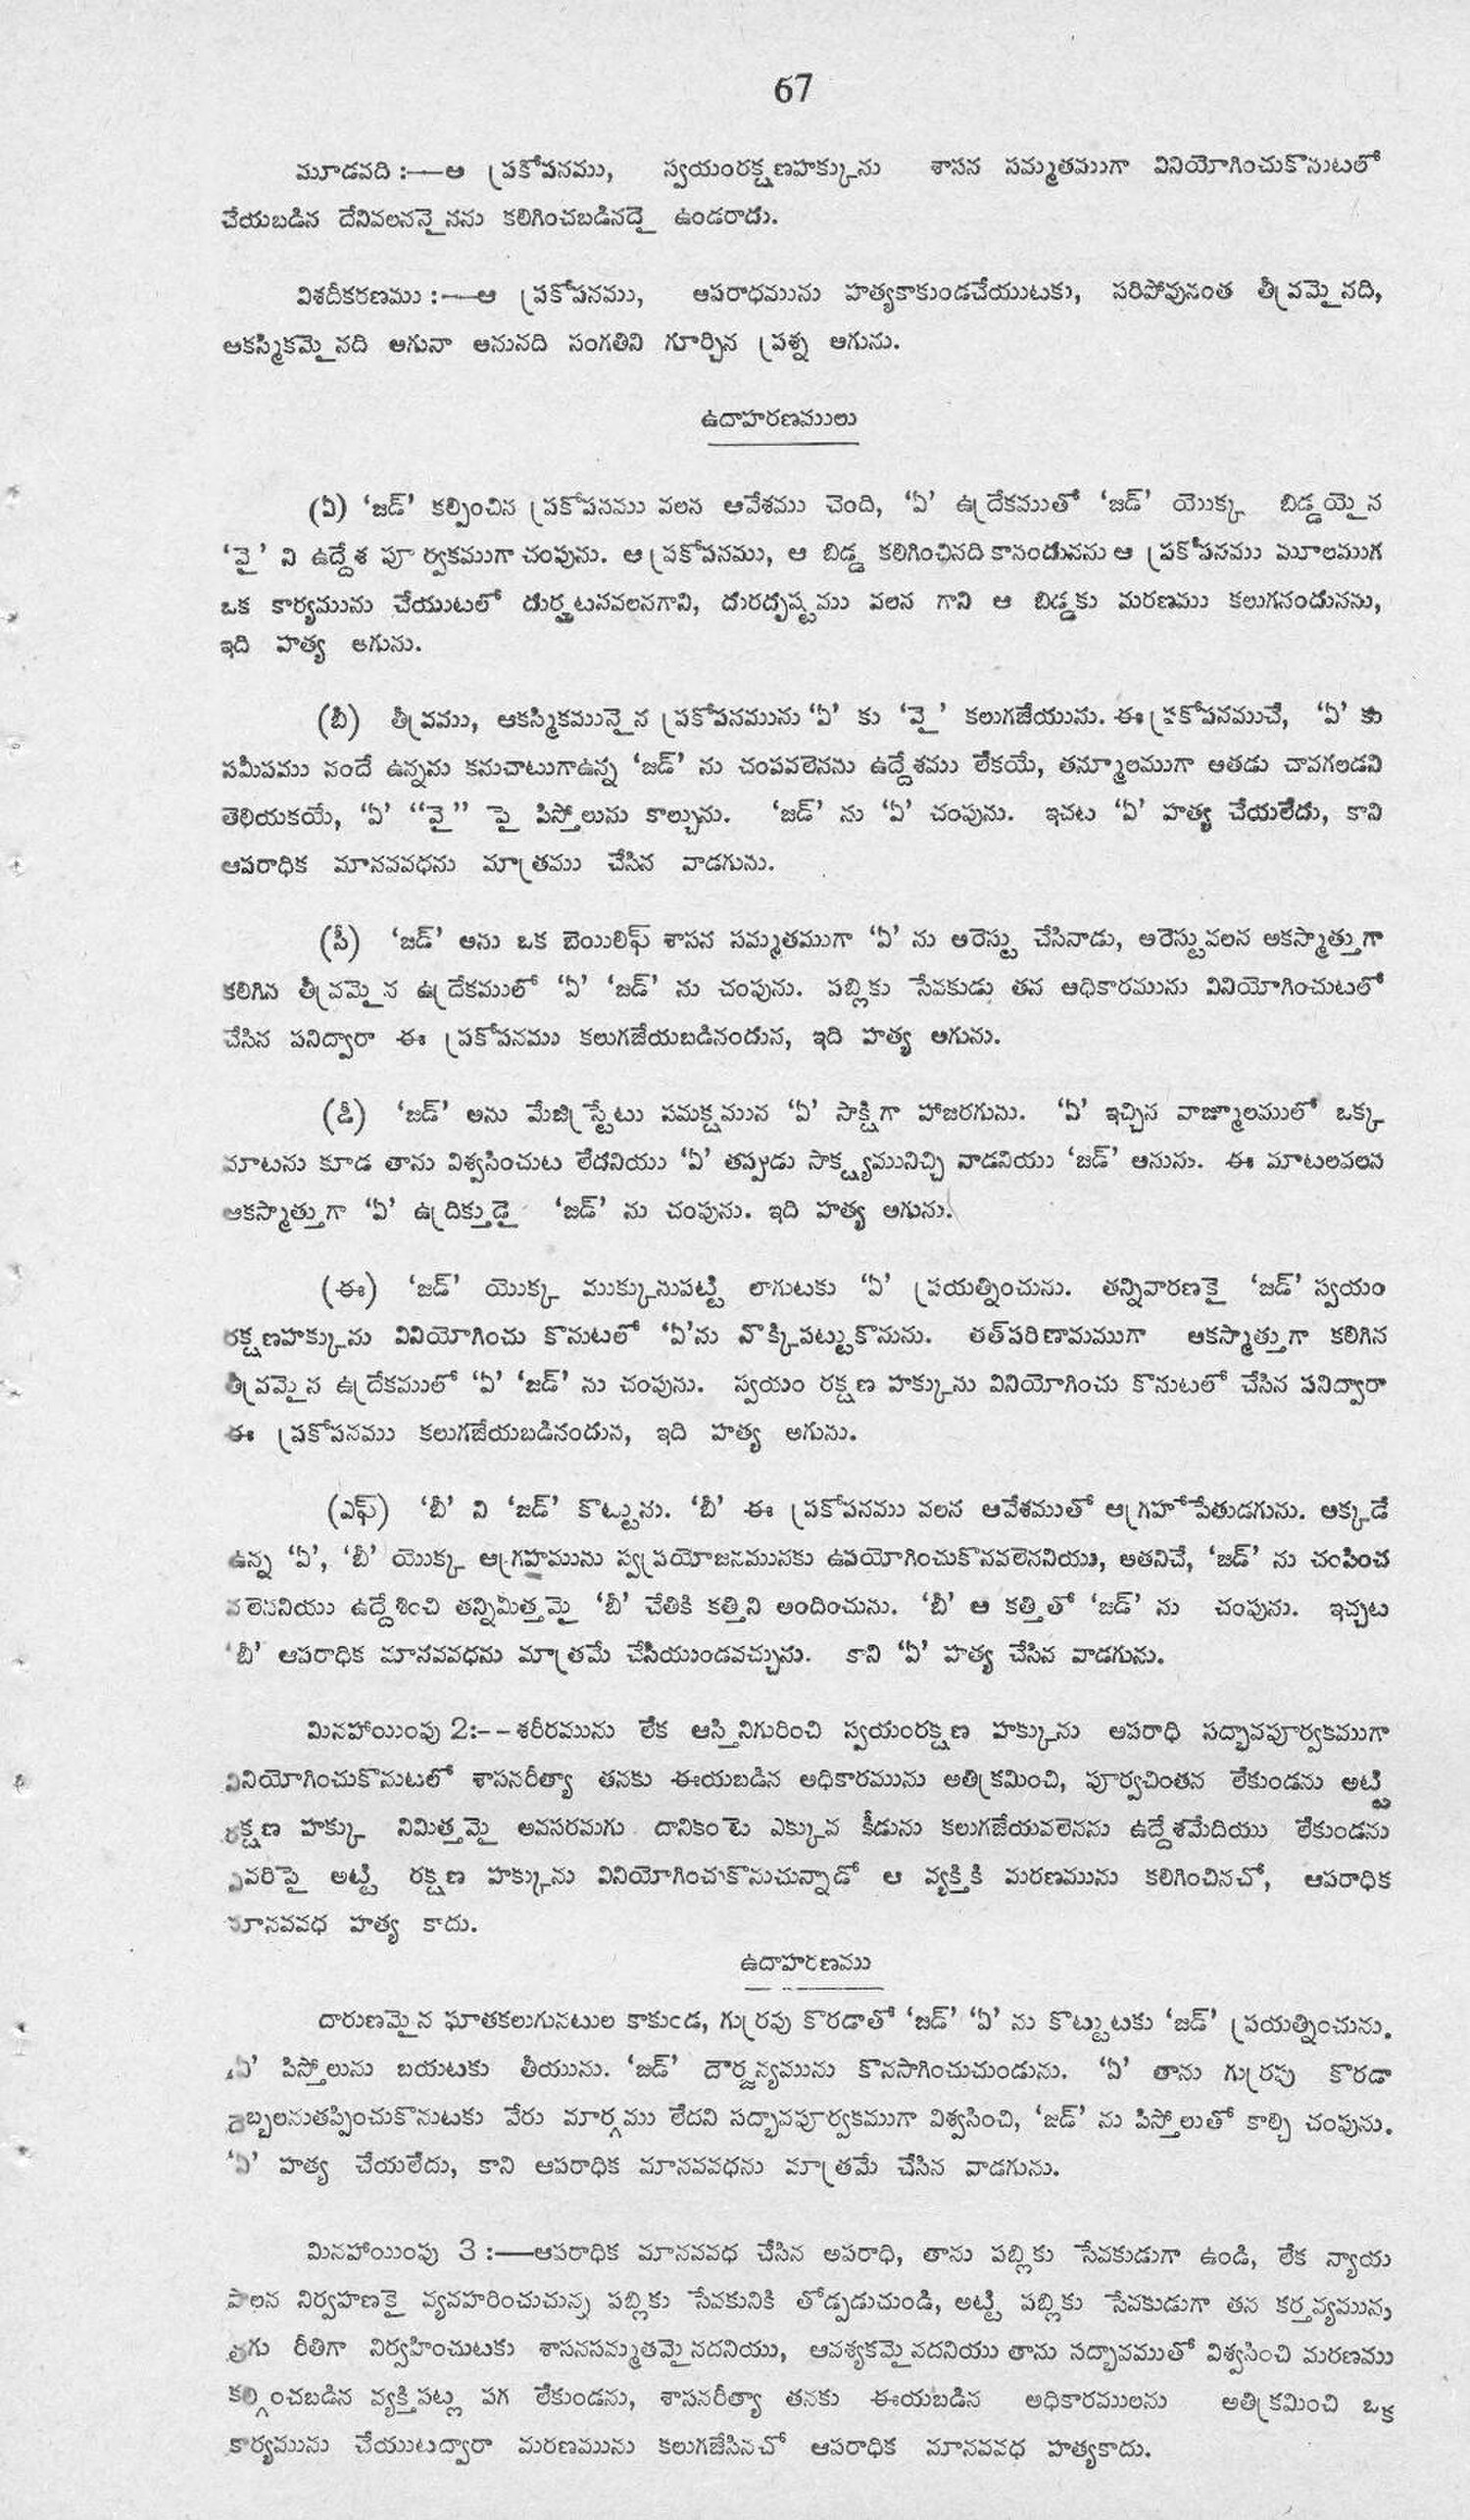మూడవది :---ఆ ప్రకోపనము, స్వయం రక్షణ హక్కునుశాసన సమ్మతముగా వినియోగించుకొనుటలో చేయబడిన దేనివలననైనను కలిగించబడినదై ఉండరాదు.

విశదీకరణము :- ఆ ప్రకోపనము, అపరాధమును హత్యకాకుండచేయుటకు, సరిపోవునంత తీవ్రమైనది,ఆకస్మికమైనది అగునా అనునది సంగతిని గూర్చిన ప్రశ్న అగును.

(ఏ) 'జడ్' కల్పించిన ప్రకోపనము వలన ఆవేశము చెంది, 'ఏ' ఉద్రేకముతో 'జడ్' యొక్క బిడ్డ యైన 'వై' ని ఉద్దేశ పూర్వకముగా చంపును. ఆ ప్రకోపనము, ఆ బిడ్డ కలిగించినది కానందునను ఆ ప్రకొపనము మూలముగ ఒక కార్యమును చేయుటలో దుర్ఘటన వలనగాని, దురదృష్టము వలన గాని ఆ బిడ్డకు మరణము కలుగనందునను, ఇది హత్య అగును.

(బి) తీవ్రము, ఆకస్మికమునైన ప్రకోపనమును 'ఏ' కు 'వై' కలుగజేయును. ఈ ప్రకోపనముచే, 'ఏ' కు సమీపము నందే ఉన్నను కనుచాటుగా ఉన్న 'జడ్' ను చంపవలెనను ఉద్దేశము లేకయే, తన్మూలముగా ఆతడు చావగలడని తెలియకయే, 'ఏ' “వై” పై పిస్తోలును కాల్చును, 'జడ్' ను 'ఏ' చంపును. ఇచట “ఏ' హత్య చేయలేదు, కాని అపరాధిక మానవవధను మాత్రము చేసిన వాడగును.

(సీ) 'జడ్' అను ఒక బెయిలిఫ్ శాసన సమ్మతముగా 'ఏ' ను అరెస్టు చేసినాడు, అరెస్టు వలన అకస్మాత్తుగా కలిగిన తీవ్రమైన ఉద్రేకములో 'ఏ' 'జడ్' ను చంపును. పబ్లికు సేవకుడు తన అధికారమును వినియోగించుటలో చేసిన పనిద్వారా ఈ ప్రకోపనము కలుగజేయబడినందున, ఇది హత్య అగును.

(డీ) 'జడ్ ' అను మేజి స్టేటు సమక్షమున 'ఏ' సాక్షిగా హాజరగును. 'ఏ' ఇచ్చిన వాజ్మూలములో ఒక్క మాటను కూడ తాను విశ్వసించుట లేదనియు 'ఏ' తప్పుడు సాక్ష్యమునిచ్చి నాడనియు 'జడ్' అనును. ఈ మాటలవలన అకస్మాత్తు గా 'ఏ' ఉద్రిక్తుడై 'జడ్' ను చంపును. ఇది హత్య అగును.

(ఈ) 'జడ్' యొక్క ముక్కునుపట్టి లాగుటకు 'ఏ' ప్రయత్నించును. తన్నివారణ కై 'జడ్' స్వయం రక్షణ హక్కును వినియోగించు కొనుటలో 'ఏ'ను నొక్కి పట్టు కొనును. తత్ పరిణామముగా ఆకస్మాత్తుగా కలిగిన తీవ్రమైన ఉద్రేకములో 'ఏ' 'జడ్' ను చంపును. స్వయం రక్షణ హక్కును వినియోగించు కొనుటలో చేసిన పనిద్వారా ఈ ప్రకోపనము కలుగజేయబడినందున, ఇది హత్య అగును.

(ఎఫ్) 'బీ' ని 'జడ్' కొట్టును. 'బి' ఈ ప్రకోపనము వలన ఆవేశముతో ఆగ్రహా పేతుడగును. అక్కడే ఉన్న 'ఏ', 'బీ' యొక్క ఆగ్రహమును స్వప్రయోజనమునకు ఉపయోగించుకొనవలెననియు, అతనిచే, 'జడ్' ను చంపించ వలెననియు ఉద్దేశించి తన్నిమిత్తమై 'బీ' చేతికి కత్తిని అందించును. 'బీ' ఆ కత్తితో 'జడ్' ను చంపును. ఇచ్చట 'బీ' ఆపరాధిక మానవవధను మాత్రమే చేసియుండవచ్చును. కాని 'ఏ' హత్య చేసిన వాడగును.

మినహాయింపు 2:-- శరీరమును లేక ఆస్తి నిగురించి స్వయంరక్షణ హక్కును అపరాధి సద్భావపూర్వకముగా వినియోగించుకొనుటలో శాసనరీత్యా తనకు ఈయబడిన అధికారమును అతిక్రమించి, పూర్వచింతన లేకుండను అట్టి రక్షణ హక్కు నిమిత్తమై అవసరనుగు దానికంటే ఎక్కువ కీడును కలుగజేయవ లెనను ఉద్దేశమేదియు లేకుండనుఎవరి పై అట్టి రక్షణ హక్కును వినియోగించుకొనుచున్నాడో ఆ వ్యక్తి కి మరణమును కలిగించినచో, ఆపరాధిక మానవవధ హత్య కాదు.

దారుణమైన ఘాతకలుగునటుల కాకుఁడ, గుర్రపు కొరడాతో 'జడ్' 'ఏ' ను కొట్టుటకు 'జడ్' ప్రయత్నించును. ఏ' పిస్తోలును బయటకు తీయును. 'జడ్' దౌర్జన్యమును కొనసాగించుచుండును. 'ఏ' తాను గుర్రపు కొరడా దెబ్బలను తప్పించుకొనుటకు వేరు మార్గము లేదని సద్భావ పూర్వకముగా విశ్వసించి, 'జడ్' ను పిస్తోలుతో కాల్చి చంపును, “ఏ' హత్య చేయలేదు, కాని ఆపరాధిక మానవవధను మాత్రమే చేసిన వాడగును.

మినహాయింపు 3:—ఆపరాధిక మానవవధ చేసిన అపరాధి, తాసు పబ్లికు సేవకుడుగా ఉండి, లేక న్యాయపాలన నిర్వహణ కై వ్యవహరించుచున్న పబ్లికు 'సేవకునికి తోడ్పడుచుండి, అట్టి పబ్లికు సేవకుడుగా తన కర్తవయమును తగు రీతిగా నిర్వహించుటకు శాసనసమ్మతమై నదనియు, ఆవశ్యకమై నదనియు తాను సద్భావముతో విశ్వసించి మరణము కల్పించబడిన వ్యక్తి పట్ల పగ లేకుండను, శాసన రీత్యా తనకు ఈయబడిన అధికారములను అతిక్రమించి ఒక కార్యమును చేయుట ద్వారా మరణమును కలుగజేసినచో ఆపరాధిక మానవవధ హత్యకాదు.